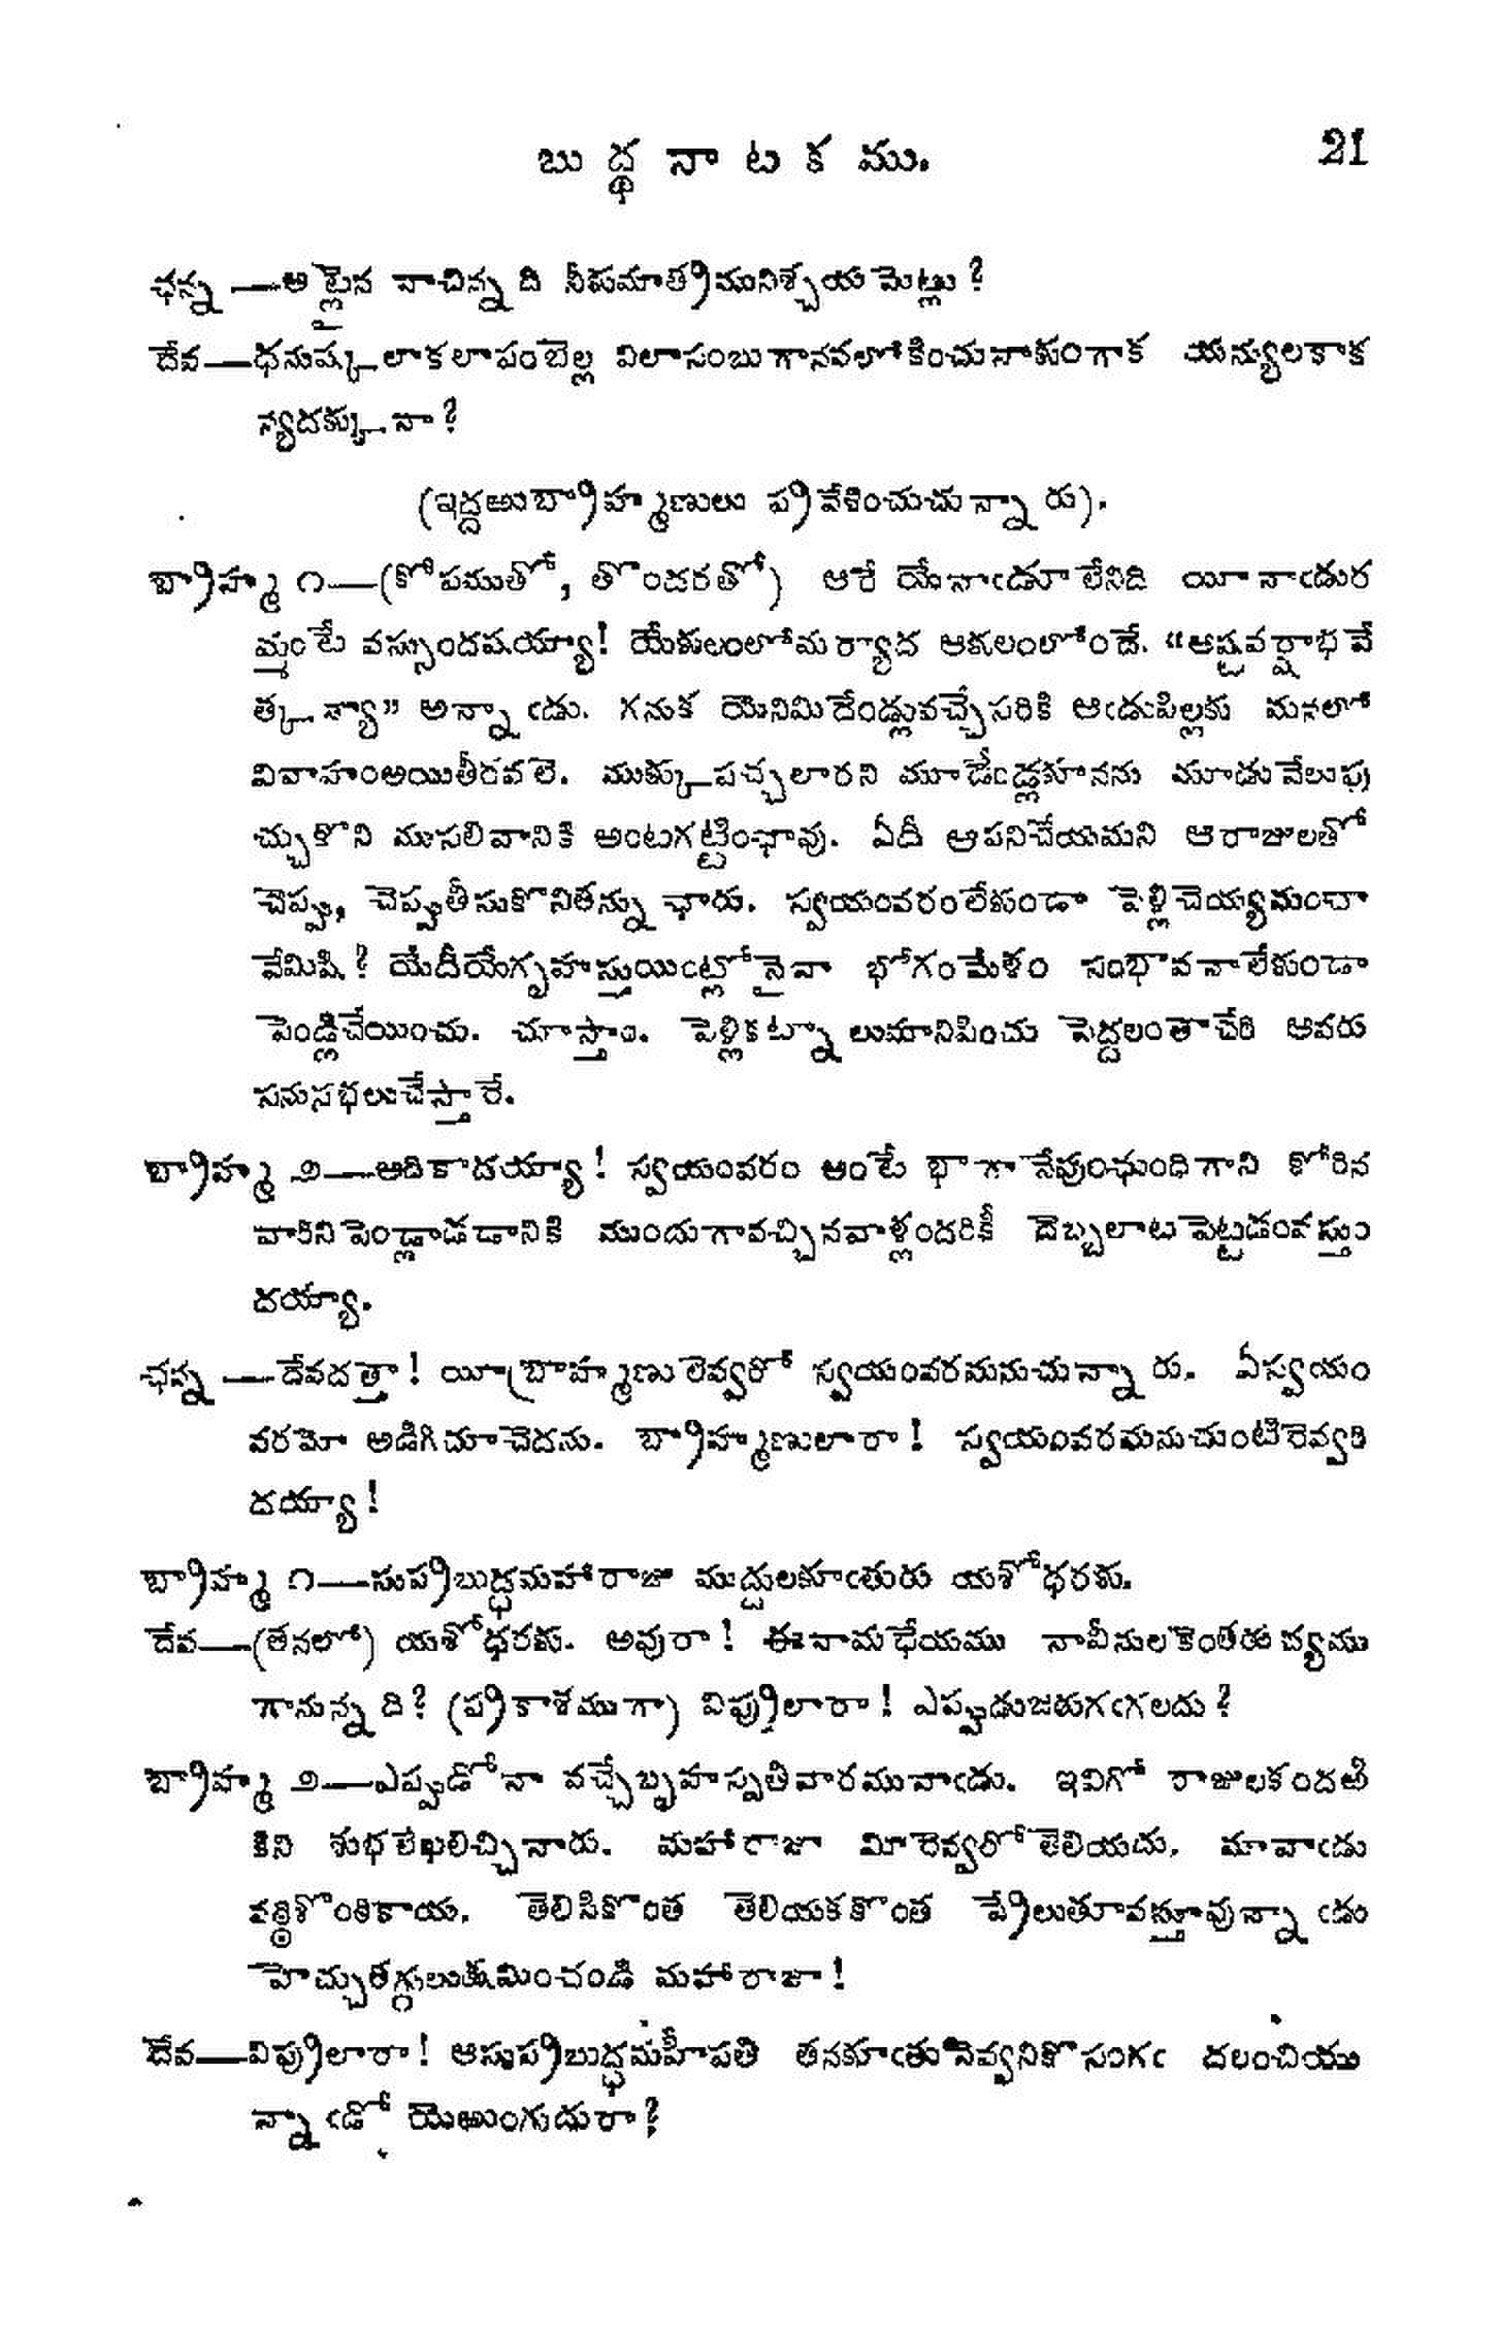ఛన్న — అట్లైన నాచిన్నది నీకుమాత్రమునిశ్చయమెట్లు?

దేవ - ధనుష్కలాకలాపంబెల్ల విలాసంబుగానవలోకించునాకుంగాక యన్యులకాకన్యదక్కు నా?

బ్రాహ్మ ౧ — (కోపముతో, తొందరతో) ఆరే యేనాఁడూ లేనిది యీనాఁడురమ్మంటే వస్సుందషయ్యా! యేకులంలో మర్యాద ఆకులంలోందే. “అష్టవర్షాభివేత్క న్యా” అన్నాఁడు. గనుక యెనిమిదేండ్లు వచ్చేసరికి ఆఁడుపిల్లకు మనలో వివాహంఅయితీరవలె. ముక్కుపచ్చలారని మూడేండ్లకూనను మూడువేలుపుచ్చుకొని ముసలివానికి అంటగట్టించావు. ఏదీ ఆపనిచేయమని ఆరాజులతో చెప్పు, చెప్పుతీసుకొనితన్ను ఛారు. స్వయంవరంలేకుండా పెళ్లి చెయ్యమంచావేమిషి? యేదీయేగృహస్తుయింట్లోనైనా భోగంమేళం సంభావనాలేకుండా పెండ్లిచేయించు. చూస్తాం. పెళ్లికట్నాలుమానిపించు పెద్దలంతాచేరి ఆవరుసనసభలుచేస్తారే.

బ్రాహ్మ ౨ — అదికాదయ్యా! స్వయంవరం అంటే భాగానేపుంచుందిగాని కోరిన వారిని పెండ్లాడడానికి ముందుగావచ్చినవాళ్లందరికీ 
దెబ్బలాట పెట్టడంవస్తుందయ్యా.

ఛన్న — దేవదత్తా! యీబ్రాహ్మణులెవ్వరో స్వయంవరమునుచున్నారు. ఏస్వయంవరమో అడిగిచూచెదను. బ్రాహ్మణులారా! స్వయంవరమనుచుంటిరెవ్వరి దయ్యా!

బ్రాహ్మ ౧ — సుప్రబుద్ధమహారాజు ముద్దులకూఁతురు యశోధరకు.

దేవ - (తనలో) యశోధరకు అవురా! ఈ నామధేయము నావీనులకెంతరుచ్యము గానున్నది? (ప్రకాశముగా) విపులారా! ఎప్పుడు జరుగఁగలదు?

బ్రాహ్మ ౨ — ఎప్పుడోనా వచ్చేబృహస్పతివారమునాఁడు. ఇవిగో రాజులకందఱికిని శుభలేఖలిచ్చినారు. మహారాజా మీరెవ్వరో తెలియదు, మావాఁడు వద్ధిశొంఠికాయ. తెలిసికొంత తెలియకకొంత పేలుతూవస్తూవున్నాఁడు హెచ్చుతగ్గులుకుమించండి మహారాజా!

దేవ — విపులారా! ఆసుస్ప్రబుద్ధమహీపతి తనకూఁతునెవ్వనికొసంగఁ దలంచియున్నాఁడో యెఱుంగుదురా?